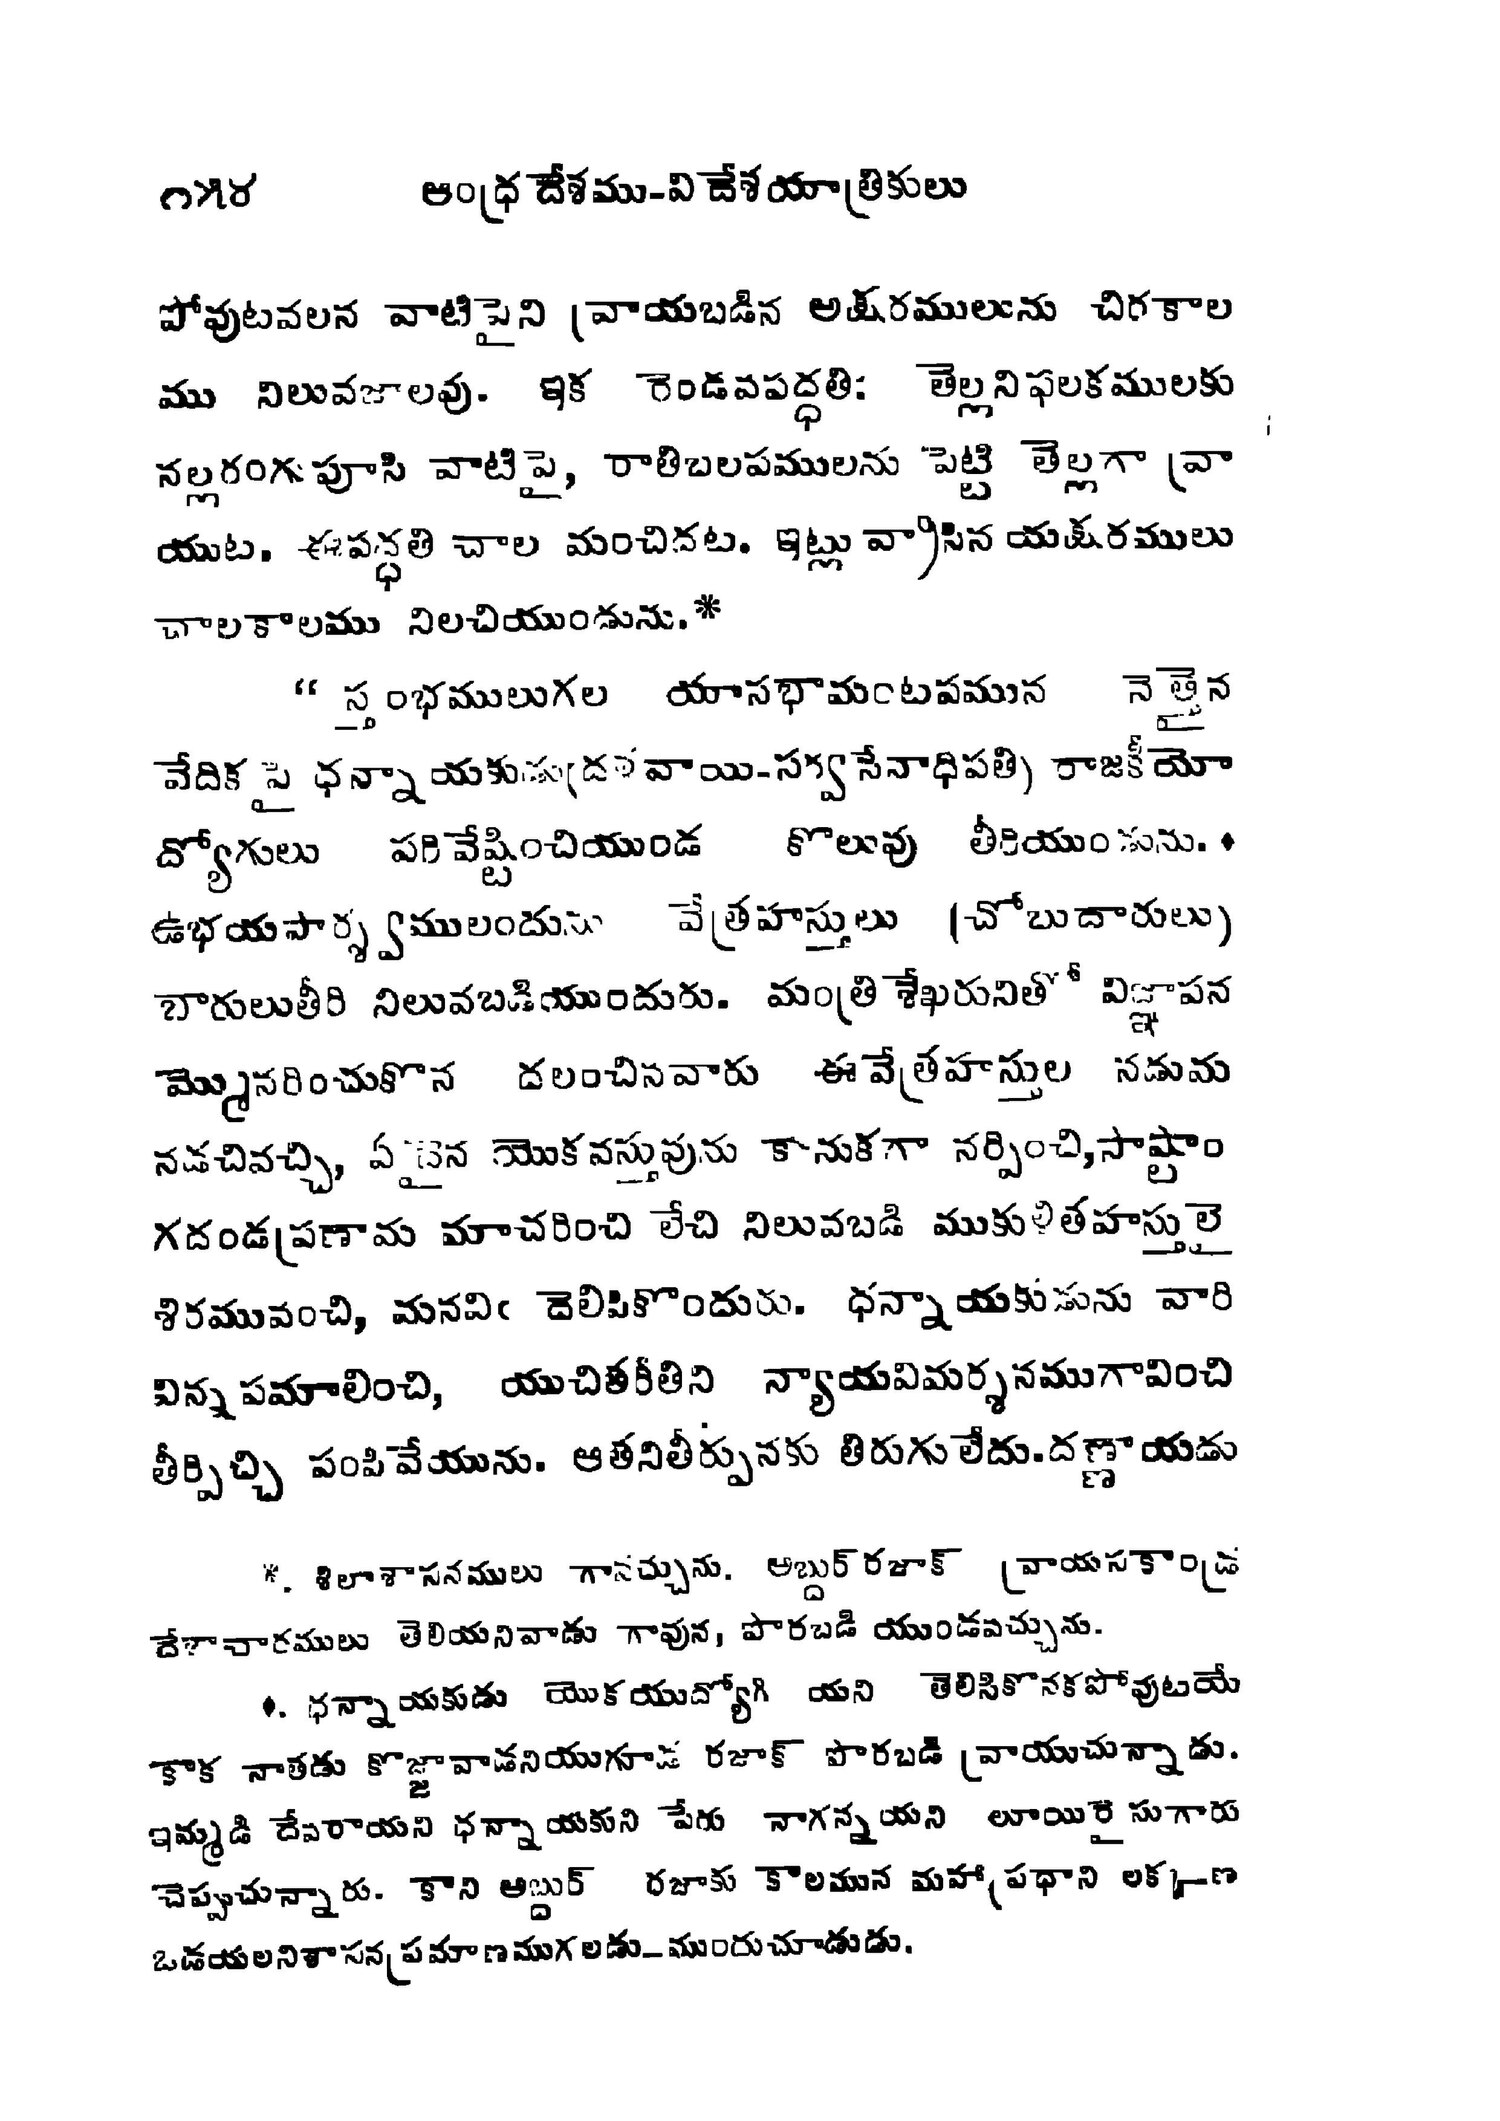పోవుటవలన వాటిపైని వ్రాయబడిన అక్షరములును చిరకాలము నిలువజాలవు. ఇక రెండవపద్ధతి: తెల్లని ఫలకములకు నల్లరంగుపూసి వాటిపై, రాతిబలపములను పెట్టి తెల్లగా వ్రాయుట. ఈపద్ధతి చాల మంచిదట. ఇట్లు వ్రాసిన యక్షరములు చాలకాలము నిలచియుండును.

"స్తంభములు గల యాసభామంటపమున నెత్తైన వేదికపై ధన్నాయకుడు (దళవాయి-సర్వసేనాధిపతి) రాజకీయోద్యోగులు పరివేష్టించియుండ కొలువు తీరియుండును. ఉభయ పార్శ్వములందును వేత్రహస్తులు (చోబుదారులు) బారులుతీరి నిలువబడి యుందురు. మంత్రి శేఖరునితో విజ్ఞాపన మ్మొనరించుకొన దలంచినవారు ఈవేత్రహస్తుల నడుమ నడచివచ్చి, ఏదైన యొకవస్తువును కానుకగా నర్పించి, సాష్టాంగ దండప్రణామ మాచరించి లేచి నిలువబడి ముకుళిత హస్తులై శిరమువంచి, మనవి దెలిపికొందురు. ధన్నాయకుడును వారి విన్నపమాలించి, యుచిత రీతిని న్యాయ విమర్శనము గావించి తీర్పిచ్చి పంపివేయును. ఆతని తీర్పునకు తిరుగులేదు. దణ్ణాయడు